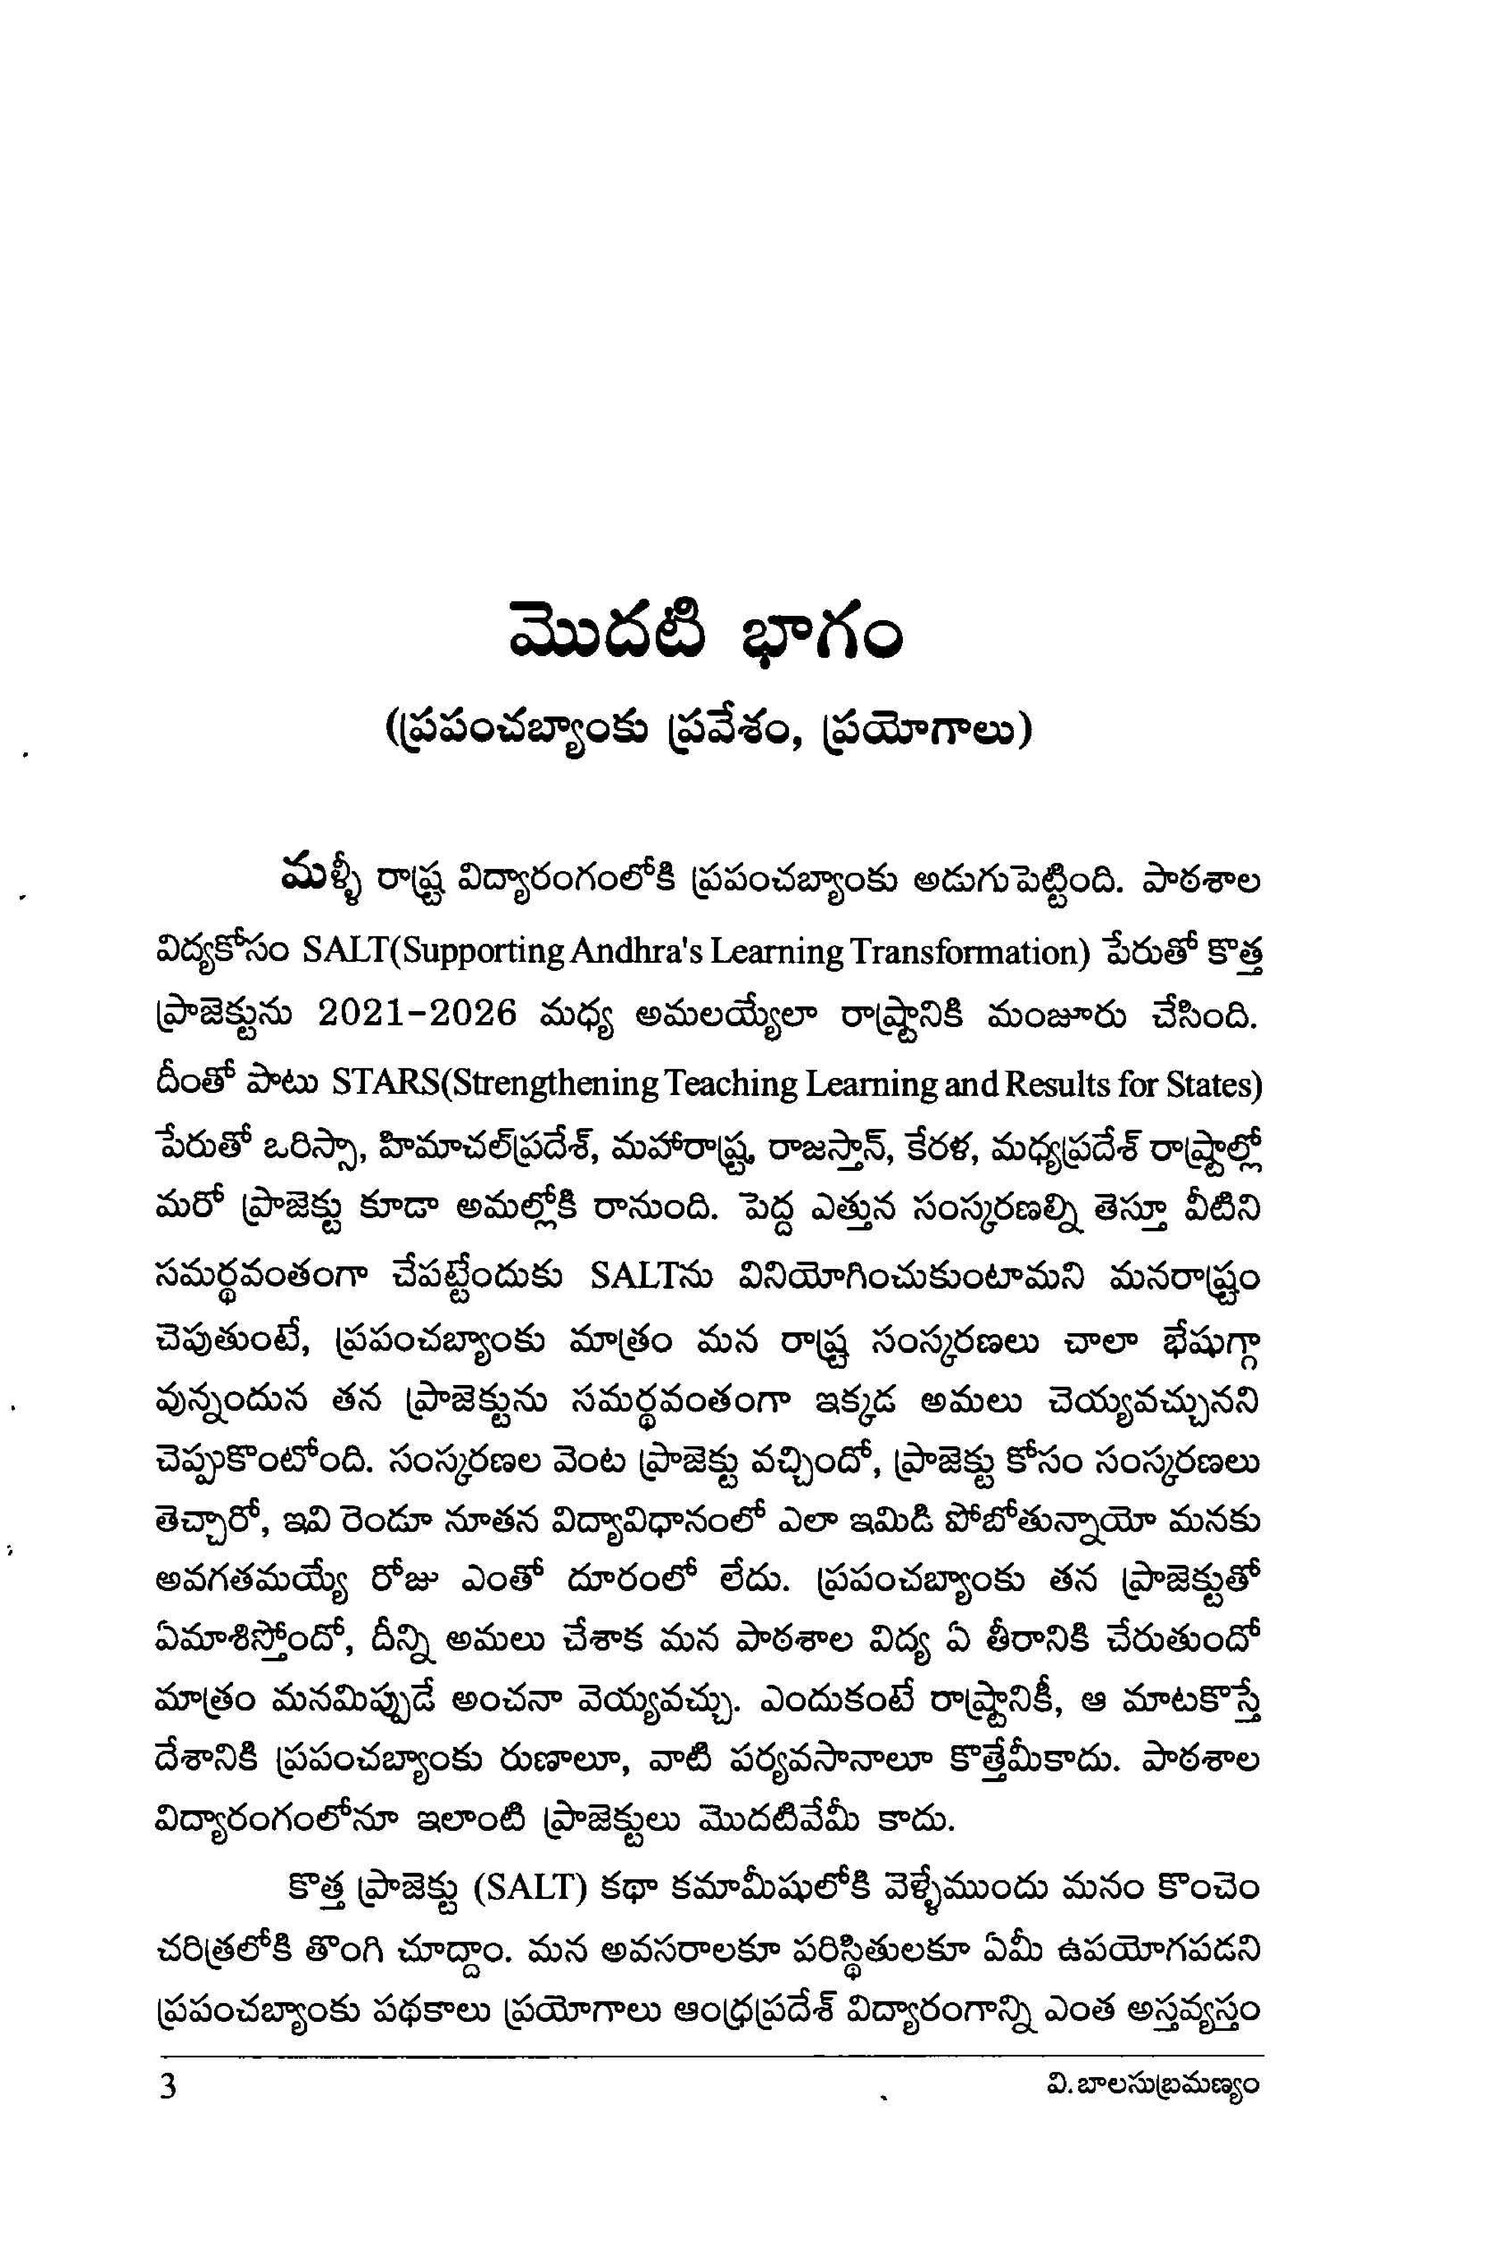ళ్ళీ రాష్ట్ర విద్యారంగంలోకి ప్రపంచబ్యాంకు అడుగుపెట్టింది. పాఠశాల
విద్యకోసం SALT(Supporting Andhra's Learning Transformation) పేరుతో కొత్త
ప్రాజెక్టును 2021-2026 మధ్య అమలయ్యేలా రాష్ట్రానికి మంజూరు చేసింది.
దీంతో పాటు STARS (Strengthening Teaching Learning and Results for States)
పేరుతో ఒరిస్సా, హిమాచల్ ప్రదేశ్, మహారాష్ట్ర, రాజస్తాన్, కేరళ, మధ్యప్రదేశ్ రాష్ట్రాల్లో
మరో ప్రాజెక్టు కూడా అమల్లోకి రానుంది. పెద్ద ఎత్తున సంస్కరణల్ని తెస్తూ వీటిని
సమర్థవంతంగా చేపట్టేందుకు SALTను వినియోగించుకుంటామని మనరాష్ట్రం
చెపుతుంటే, ప్రపంచబ్యాంకు మాత్రం మన రాష్ట్ర సంస్కరణలు చాలా భేషుగ్గా
వున్నందున తన ప్రాజెక్టును సమర్థవంతంగా ఇక్కడ అమలు చెయ్యవచ్చునని
చెప్పుకొంటోంది. సంస్కరణల వెంట ప్రాజెక్టు వచ్చిందో, ప్రాజెక్టు కోసం సంస్కరణలు
తెచ్చారో, ఇవి రెండూ నూతన విద్యావిధానంలో ఎలా ఇమిడి పోబోతున్నాయో మనకు
అవగతమయ్యే రోజు ఎంతో దూరంలో లేదు. ప్రపంచబ్యాంకు తన ప్రాజెక్టుతో
ఏమాశిస్తోందో, దీన్ని అమలు చేశాక మన పాఠశాల విద్య ఏ తీరానికి చేరుతుందో
మాత్రం మనమిప్పుడే అంచనా వెయ్యవచ్చు. ఎందుకంటే రాష్ట్రానికీ, ఆ మాటకొస్తే
దేశానికి ప్రపంచబ్యాంకు రుణాలూ, వాటి పర్యవసానాలూ కొత్తేమీకాదు. పాఠశాల
విద్యారంగంలోనూ ఇలాంటి ప్రాజెక్టులు మొదటివేమీ కాదు.

కొత్త ప్రాజెక్టు (SALT) కథా కమామీషులోకి వెళ్ళేముందు మనం కొంచెం
చరిత్రలోకి తొంగి చూద్దాం. మన అవసరాలకూ పరిస్థితులకూ ఏమీ ఉపయోగపడని
ప్రపంచబ్యాంకు పథకాలు ప్రయోగాలు ఆంధ్రప్రదేశ్ విద్యారంగాన్ని ఎంత అస్తవ్యస్తం